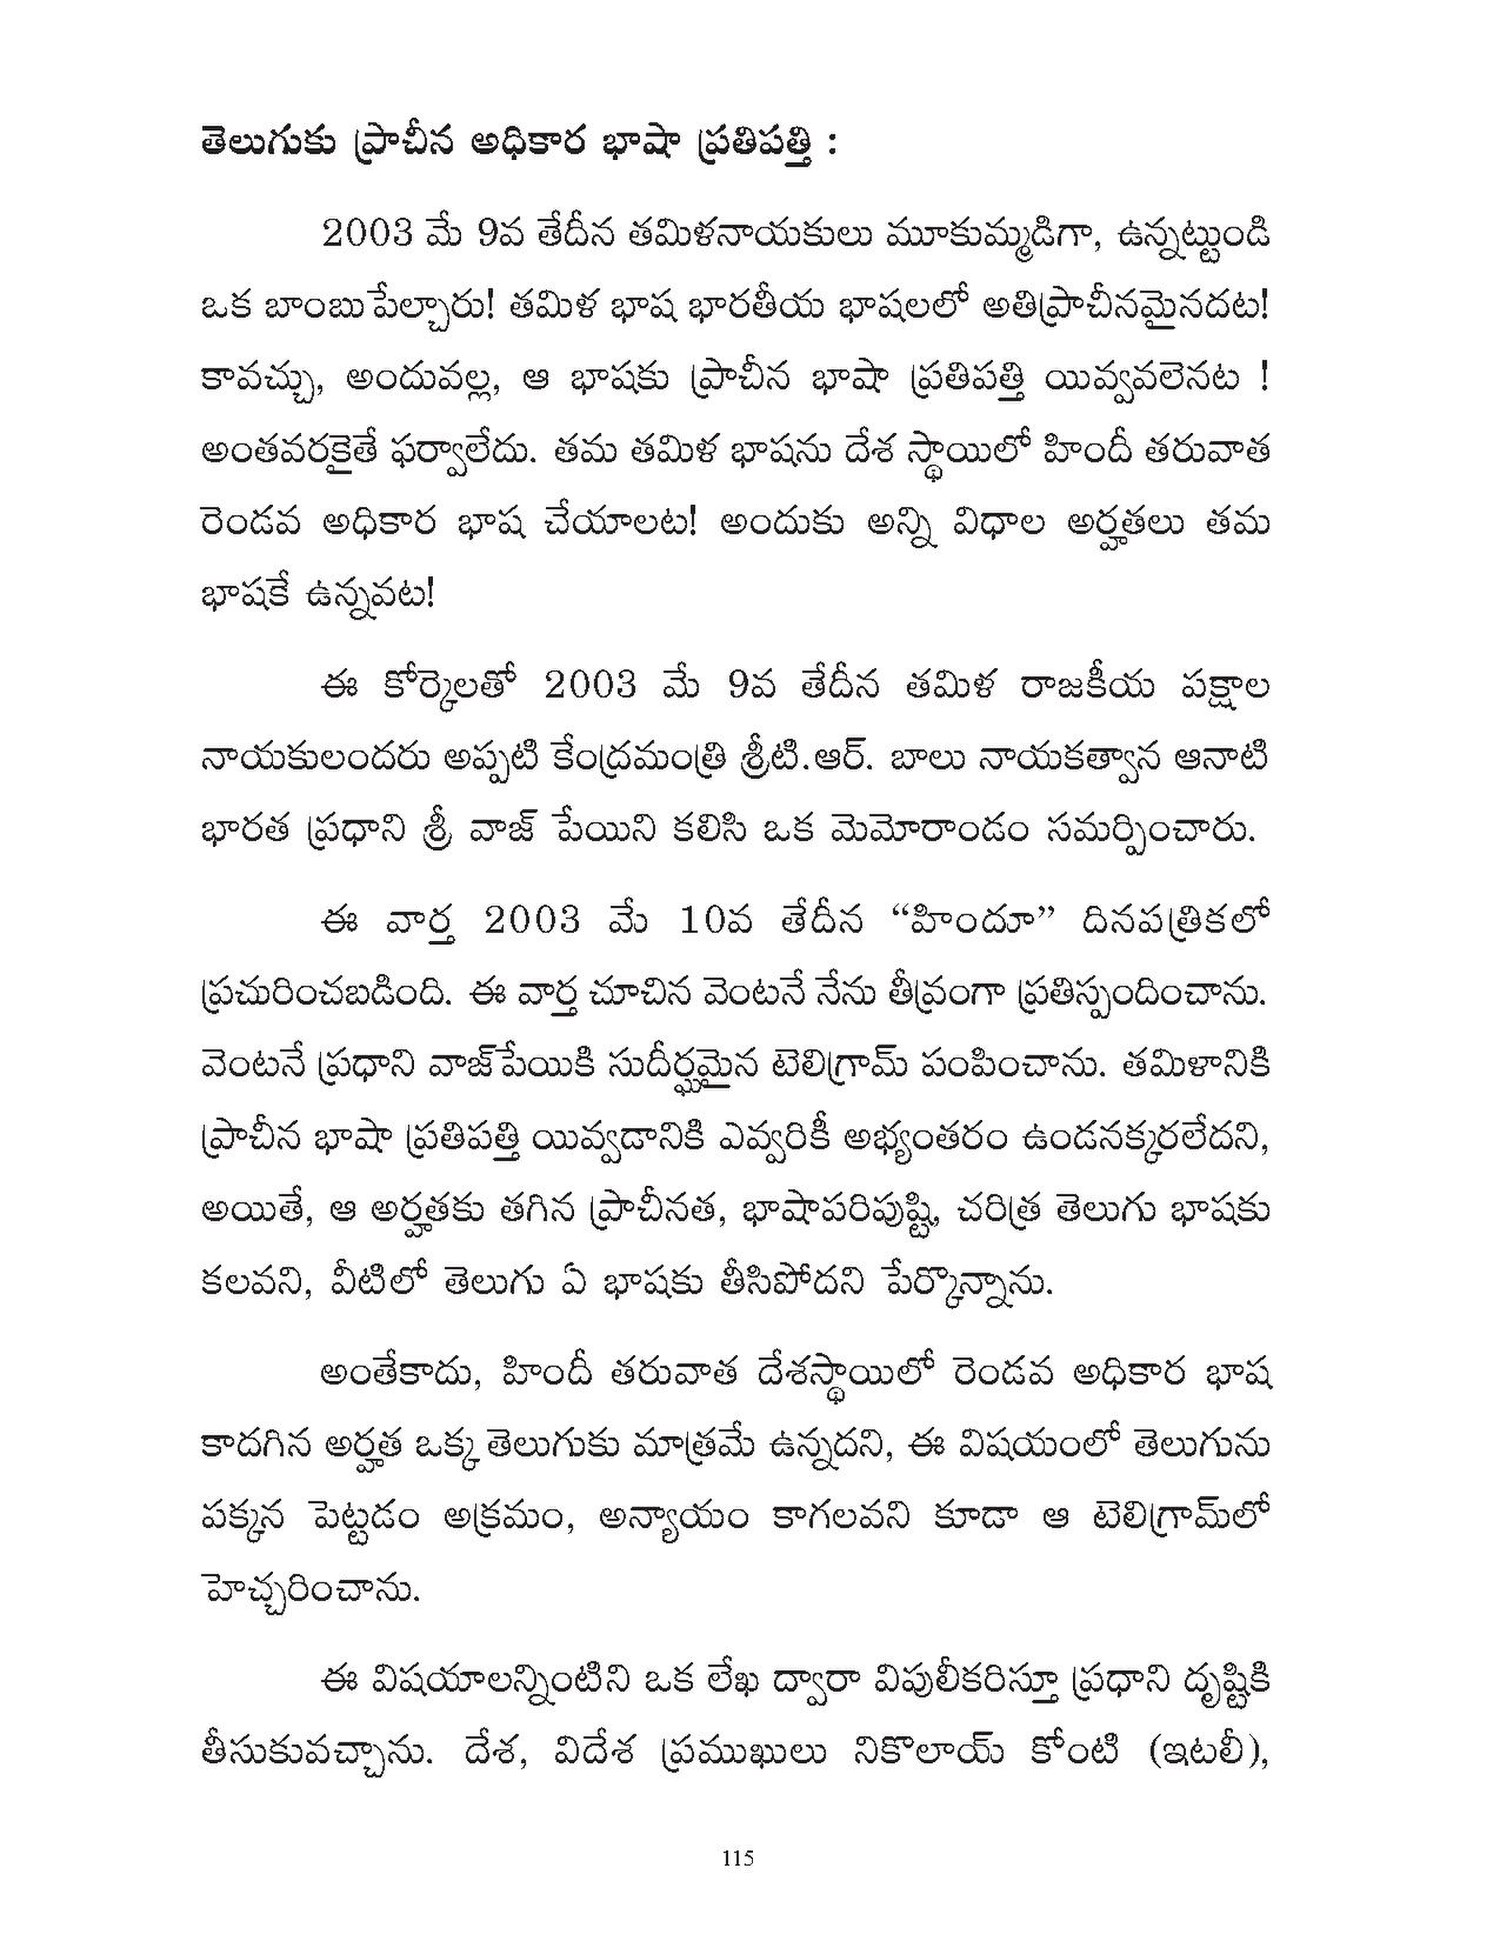తెలుగుకు ప్రాచీన అధికార భాషా ప్రతిపత్తి :

2003 మే 9వ తేదీన తమిళనాయకులు మూకుమ్మడిగా, ఉన్నట్టుండి
ఒక బాంబుపేల్చారు! తమిళ భాష భారతీయ భాషలలో అతిప్రాచీనమైనదట!
కావచ్చు, అందువల్ల, ఆ భాషకు ప్రాచీన భాషా ప్రతిపత్తి యివ్వవలెనట !
అంతవరకైతే ఫర్వాలేదు. తమ తమిళ భాషను దేశ స్థాయిలో హిందీ తరువాత
రెండవ అధికార భాష చేయాలట! అందుకు అన్ని విధాల అర్హతలు తమ
భాషకే ఉన్నవట!

ఈ కోర్కెలతో 2003 మే 9వ తేదీన తమిళ రాజకీయ పక్షాల
నాయకులందరు అప్పటి కేంద్రమంత్రి శ్రీటి.ఆర్‌. బాలు నాయకత్వాన ఆనాటి
భారత ప్రధాని శ్రీ వాజ్‌ పేయిని కలిసి ఒక మెమోరాండం సమర్పించారు.

ఈ వార్త 2003 మే 10వ తేదీన "హిందూ" దినపత్రికలో
ప్రచురించబడింది. ఈ వార్త చూచిన వెంటనే నేను తీవ్రంగా ప్రతిస్పందించాను.
వెంటనే ప్రధాని వాజ్‌పేయికి సుదీర్ఘమైన టెలిగ్రామ్‌ పంపించాను. తమిళానికి
ప్రాచీన భాషా ప్రతిపత్తి యివ్వడానికి ఎవ్వరికీ అభ్యంతరం ఉండనక్కరలేదని,
అయితే, ఆ అర్హతకు తగిన ప్రాచీనత, భాషాపరిపుష్టి, చరిత్ర తెలుగు భాషకు
కలవని, వీటిలో తెలుగు ఏ భాషకు తీసిపోదని పేర్కొన్నాను.

అంతేకాదు, హిందీ తరువాత దేశస్థాయిలో రెండవ అధికార భాష
కాదగిన అర్హత ఒక్క తెలుగుకు మాత్రమే ఉన్నదని, ఈ విషయంలో తెలుగును
పక్కన పెట్టడం అక్రమం, అన్యాయం కాగలవని కూడా ఆ టెలిగ్రామ్‌లో
హెచ్చరించాను.

ఈ విషయాలన్నింటిని ఒక లేఖ ద్వారా విపులీకరిస్తూ ప్రధాని దృష్టికి
తీసుకువచ్చాను. దేశ, విదేశ ప్రముఖులు నికొలాయ్ కోంటి (ఇటలీ),